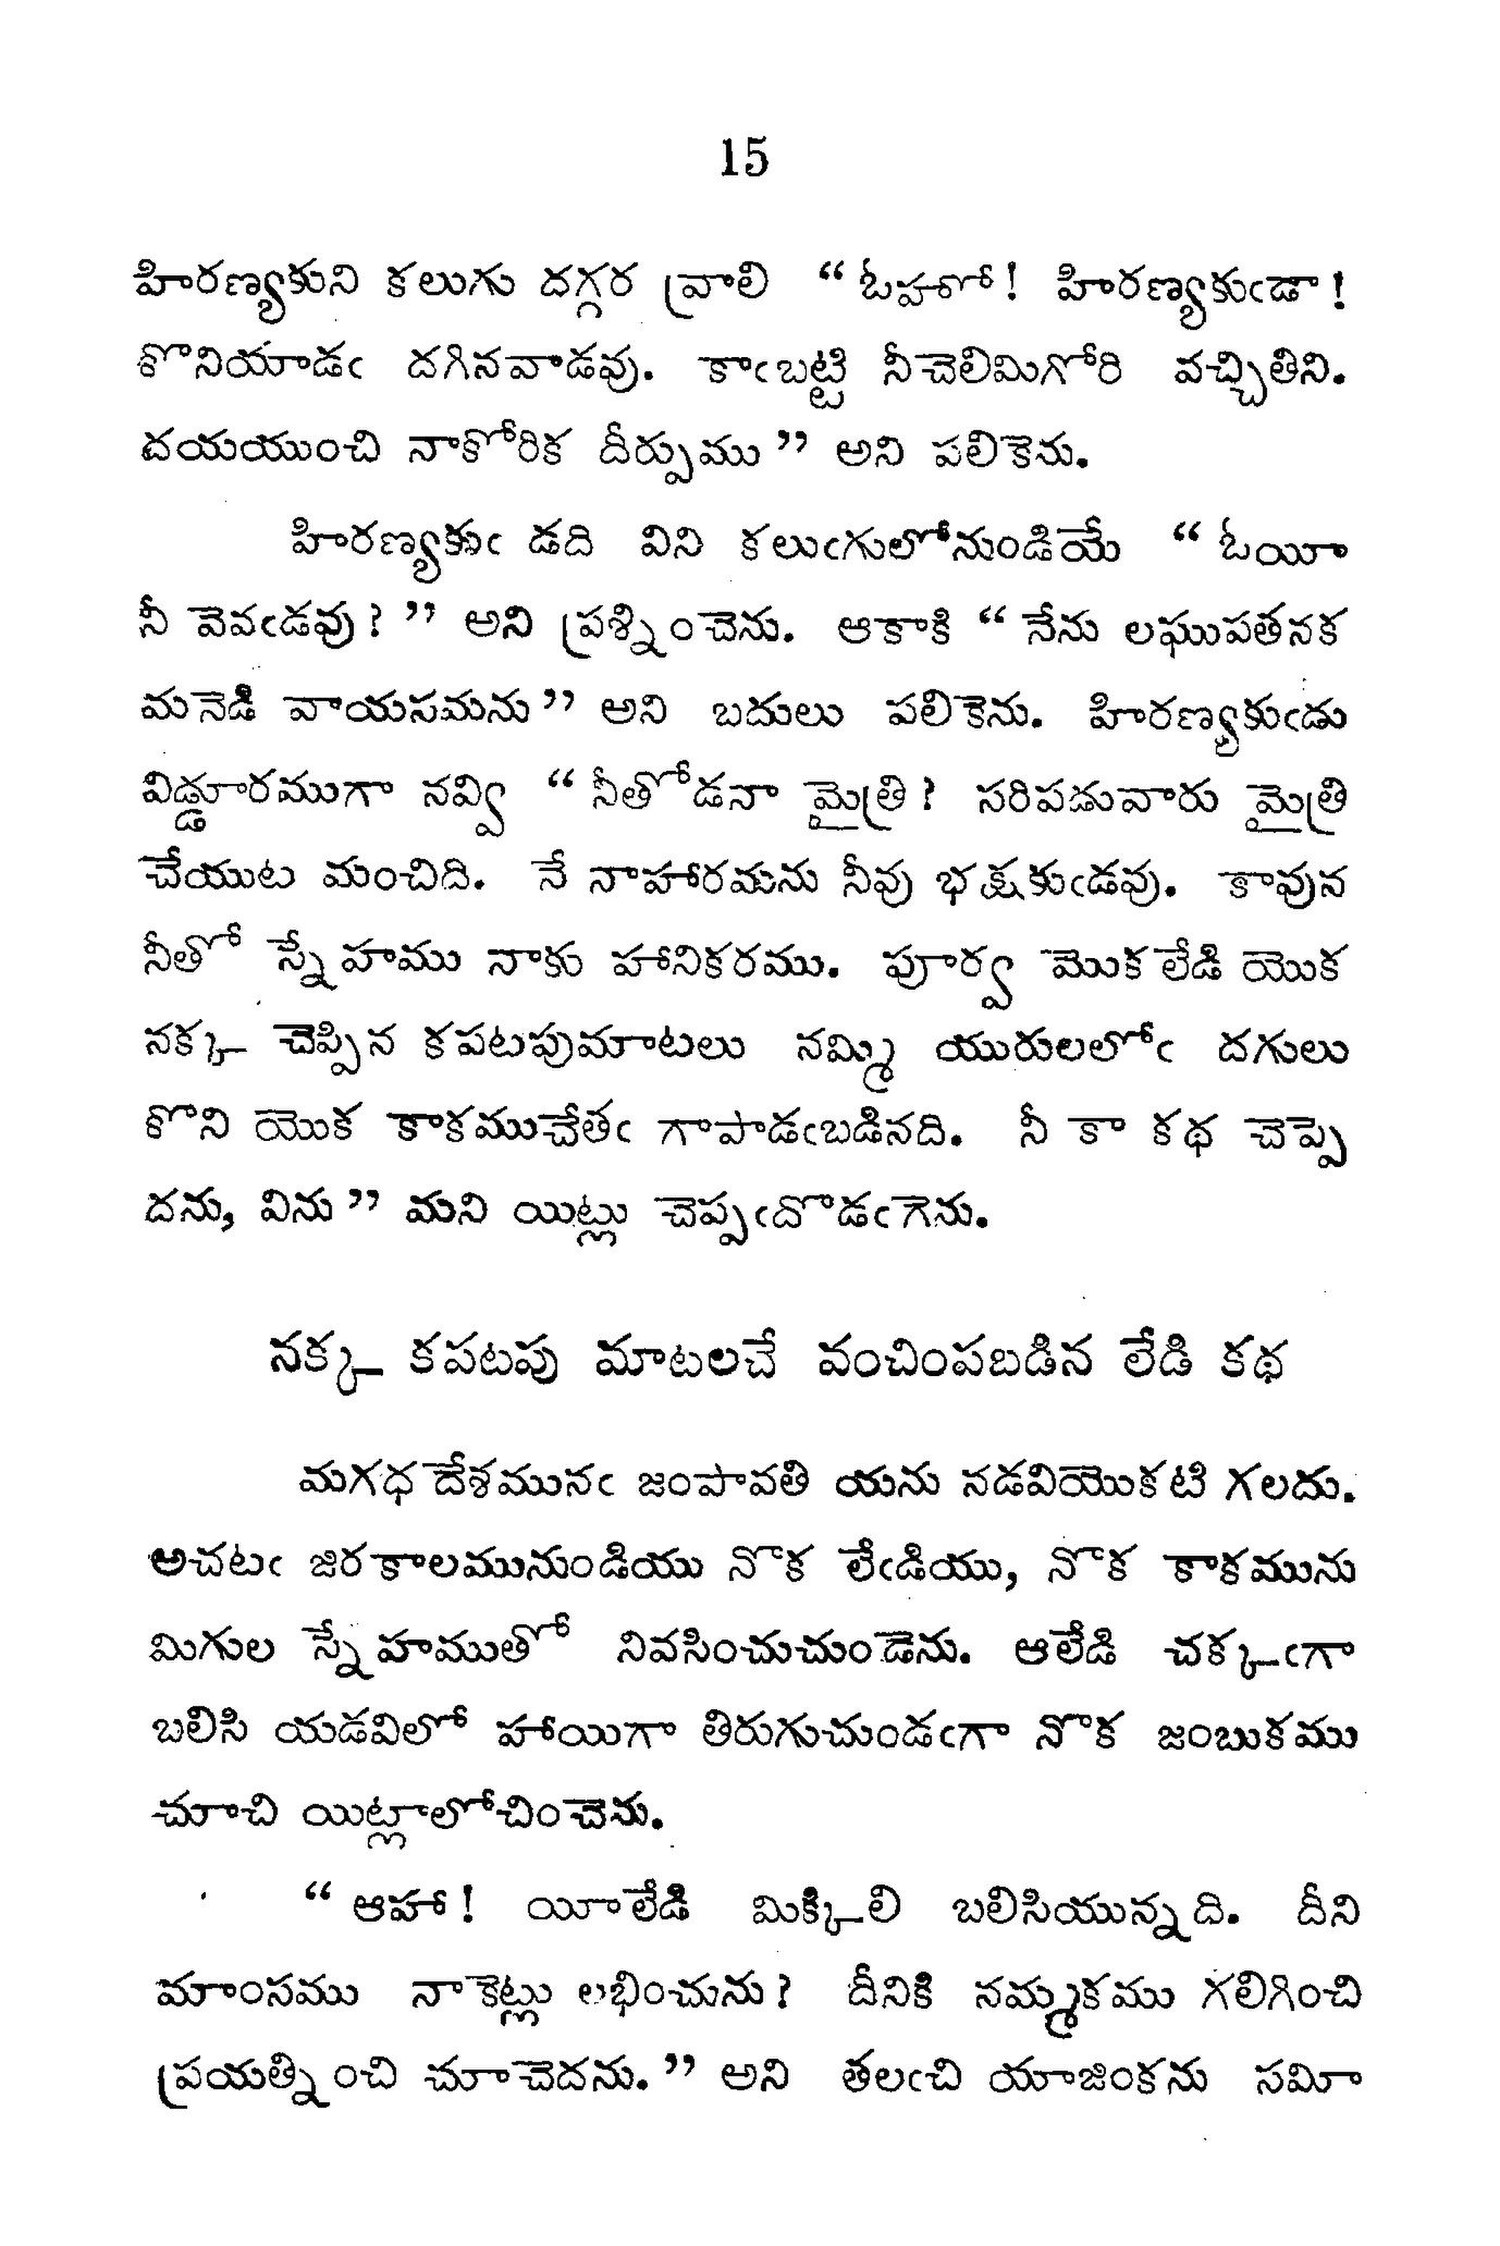హిరణ్యకుని కలుగు దగ్గర వ్రాలి "ఓహో! హిరణ్యకుడా! కొనియాడ దగినవాడవు. కాబట్టి నీచెలిమిగోరి వచ్చితిని. దయయుంచి నాకోరిక దీర్పుము" అని పలికెను.

హిరణ్యకు డది విని కలుగులోనుండియే "ఓయీ నీ వెవడవు?" అని ప్రశ్నించెను. ఆకాకి "నేను లఘుపతనక మనెడి వాయసమను" అని బదులు పలికెను. హిరణ్యకుడు విడ్డూరముగా నవ్వి "నీతోడనా మైత్రి? సరిపడువారు మైత్రి చేయుట మంచిది. నే నాహారమను నీవు భక్షకుడవు. కావున నీతో స్నేహము నాకు హానికరము. పూర్వ మొకలేడి యొక నక్క చెప్పిన కపటమాటలు నమ్మి యురులలో దగులు కొని యొక కాకముచేత గాపాడబడినది. నీ కా కథ చెప్పెదను, విను" మని యిట్లు చెప్పదొడగెను.

మగధ దేశమున జంపావతి యను నడవియొకటి గలదు. అచట జిరకాలమునుండియు నొక లేడియు, నొక కాకమును మిగుల స్నేహముతో నివసించుచుండెను. ఆలేడి చక్కగా బలిసి యడవిలో హాయిగా తిరుగుచుండగా నొక జంబుకము చూచి యిట్లాలోచించెను.

"ఆహా! యీలేడి మిక్కిలి బలిసియున్నది. దీని మాంసము నాకెట్లు లభించును." దీనికి నమ్మకము గలిగించి ప్రయత్నించి చూచెదను." అని తలచి యాజింకను సమీ